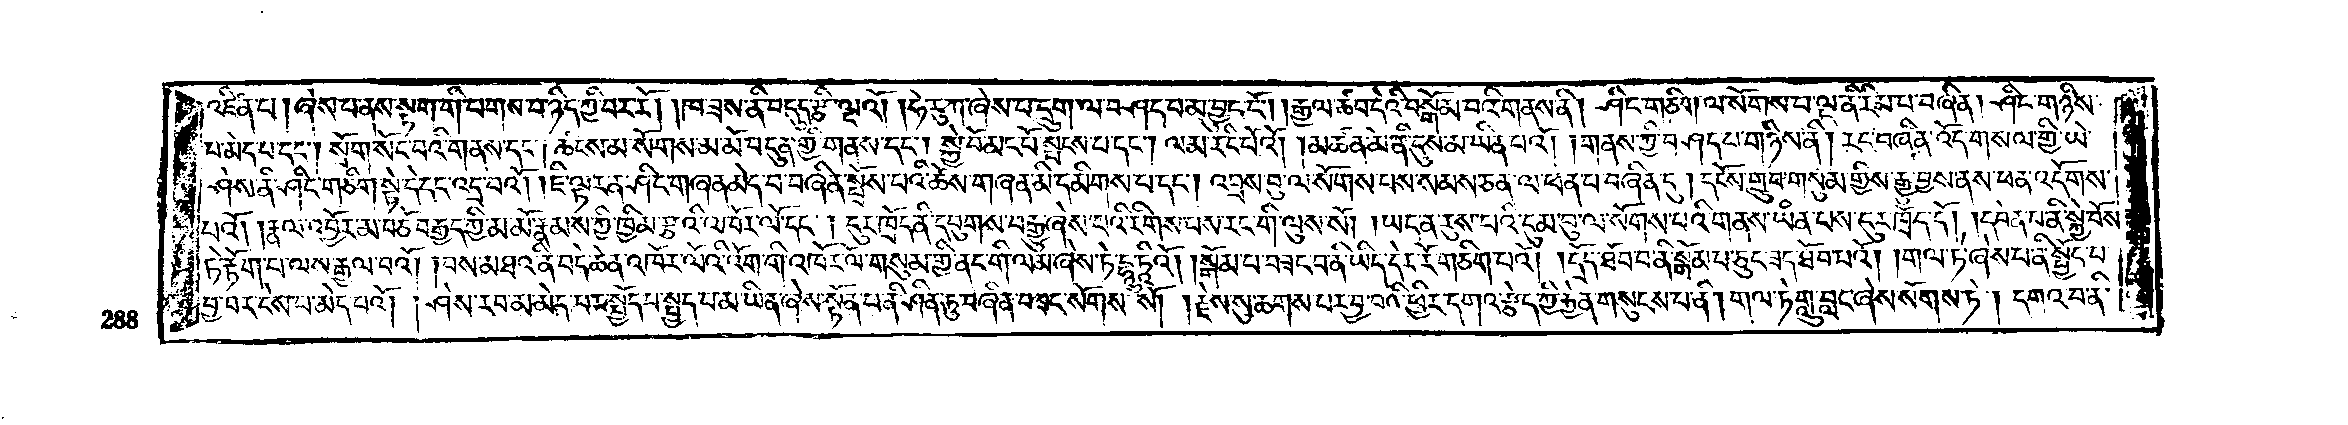འཛིན་པ། ཞེས་པ་ནས་སྟག་གི་པགས་པ་ཉིད་ཀྱི་བར་རོ། །ཁ་ཟས་ནི་བདུད་རྩི་ལྔའོ། །ཧེ་རུ་ཀ་ཞེས་པ་དྲུག་ལ་བཤད་པ་མ་བྱུང་ངོ། །རྒྱལ་ཚབ་དེའི་བསྒོམ་པའི་གནས་ནི། ཤིང་གཅིག་ལ་སོགས་པ་ལྔ་ནི་རིམ་པ་བཞིན། ཤིང་གཉིས་
པ་མེད་པ་དང་། སྲོག་སོང་བའི་གནས་དང་། ཚངས་མ་སོགས་མ་མོ་བདུན་གྱི་གནས་དང་། སྐྱེ་བོ་མང་པོ་སྤངས་པ་དང་། ལམ་རིང་པོའོ། །མཚན་མེ་ནི་དུས་མ་ཡིན་པའོ། །གནས་ཀྱི་བཤད་པ་གཉིས་ནི། རང་བཞིན་འོད་གསལ་གྱི་ཡེ་
ཤེས་ནི་ཤིང་གཅིག་སྟེ་དེ་དང་འདྲ་བའོ། །ཇི་ལྟར་ན་ཤིང་གཞན་མེད་པ་བཞིན་སྤྲོས་པའི་ཆོས་གཞན་མི་དམིགས་པ་དང་། འབྲས་བུ་ལ་སོགས་པས་སེམས་ཅན་ལ་ཕན་པ་བཞིན་དུ། དངོས་གྲུབ་གསུམ་གྱིས་རྒྱུ་བྱས་ནས་ཕན་འདོགས་
པའོ། །རྣལ་འབྱོར་མ་བཅོ་བརྒྱད་ཀྱི་མ་མོ་རྣམས་ཀྱི་ཁྱིམ་རྩའི་འཁོར་ལོ་དང་། དུར་ཁྲོད་ནི་དཔུགས་བརྒྱུ་ཞེས་པའི་རིགས་པས་རང་གི་ལུས་སོ། །ཡང་ན་རུས་པའི་དུམ་བུ་ལ་སོགས་པའི་གནས་ཡིན་པས་དུར་ཁྲོད་དོ། །དབེན་པ་ནི་སྐྱེ་བོས་
ཏེ་རྟོག་པ་ལས་རྒྱལ་བའོ། །བས་མཐའ་ནི་བདེ་ཆེན་འཁོར་ལོའི་འོག་གི་འཁོར་ལོ་གསུམ་གྱི་ནང་གི་ལམ་ཞེས་ཏེ་དྷཱུ་ཏཱིའོ། །སྒོམ་པ་བཟང་བ་ནི་ཡིད་དེར་རོ་གཅིག་པའོ། །དྲོད་ཐོབ་པ་ནི་སྒོམ་པ་ཅུང་ཟད་ཐོབ་པའོ། །གལ་ཏེ་ཞེས་པ་ནི་སྤྱོད་པ་
བྱ་བར་ངེས་པ་མེད་པའོ། །ཤེས་རབ་མ་མེད་པར་སྤྱོད་པ་སྤྱད་པ་མ་ཡིན་ཞེས་སྟོན་པ་ནི་ཤིན་ཏུ་བཞིན་བཟང་སོགས་སོ། །རྗེས་སུ་ཆགས་པར་བྱ་བའི་ཕྱིར་དགའ་རྩེད་ཀྱི་རྐྱེན་གསུངས་པ་ནི། གལ་ཏེ་གླུ་བླང་ཞེས་སོགས་ཏེ། དགའ་བ་ནི་